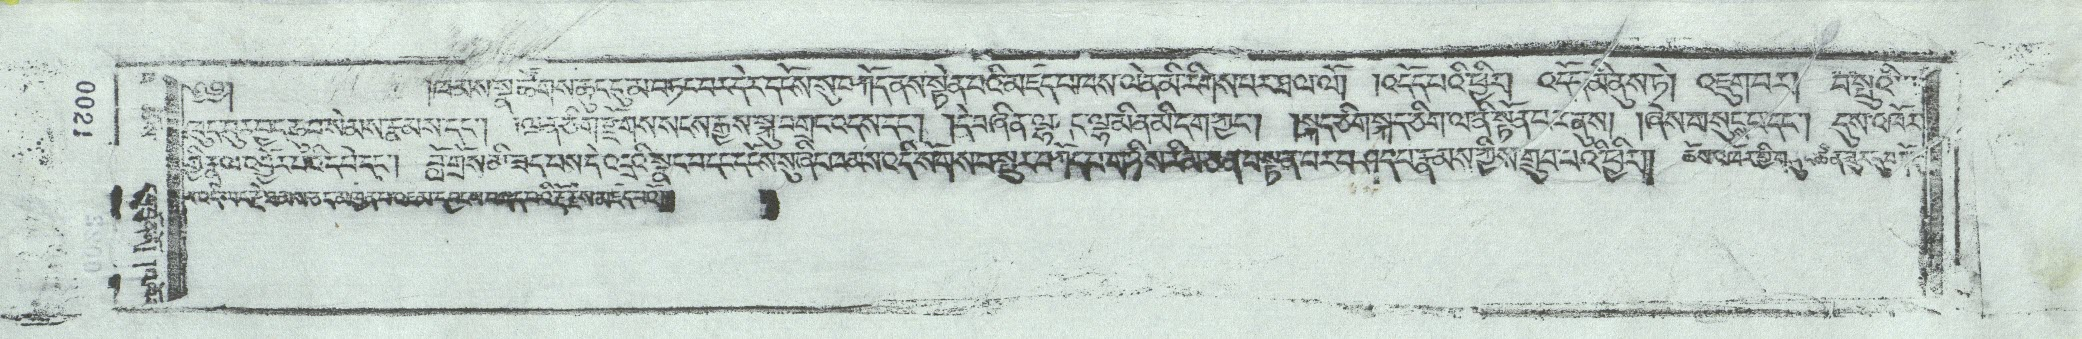༄༅། །ཁམས་སྣ་ཚོགས་ཆུང་ངུ་མ་བཏང་བར་དེར་དངོས་སུ་བཀོད་ནས་སྟོན་པའི་མཛད་པ་ཁས་ལེན་མི་རིགས་པར་ཐལ་ལོ། །འདོད་པའི་ཕྱིར། འདོད་མི་ནུས་ཏེ། འཇུག་པར། བ་སྤུའི་
ཁུང་བུར་བྱང་ཆུབ་སེམས་རྣམས་དང་། །ལྷན་ཅིག་རྫོགས་སངས་རྒྱས་སྐུ་བགྲང་འདས་དང་། །དེ་བཞིན་ལྷ་དང་ལྷ་མིན་མི་དག་ཀྱང་། །སྐད་ཅིག་སྐད་ཅིག་ལ་ནི་སྟོན་པར་ནུས། །ཞེས་གསུངས་པ་དང་། དུས་འཁོར་
གྱི་རྣལ་འབྱོར་པའི་དཔེ་དང་། བློ་གྲོས་མི་ཟད་པས་དེ་འདྲའི་སྣང་བ་དང་དངོས་སུ་ཞིང་ཁམས་འདི་སོགས་བ་སྤུར་བཀོད་པ་གཉིས་རིམ་ཅན་བསྟན་པར་བཤད་པ་རྣམས་ཀྱིས་གྲུབ་པའི་ཕྱིར།། ཆོས་འཁོར་གྱི་གཞུང་ཆེན་ཟུར་དུ་བཀོད་
པ་འདི་ཡང་རྗེ་ཐམས་ཅད་མཁྱེན་པ་འཇམ་དབྱངས་བཞད་པའི་རྡོ་རྗེས་མཛད་པའོ།། །།